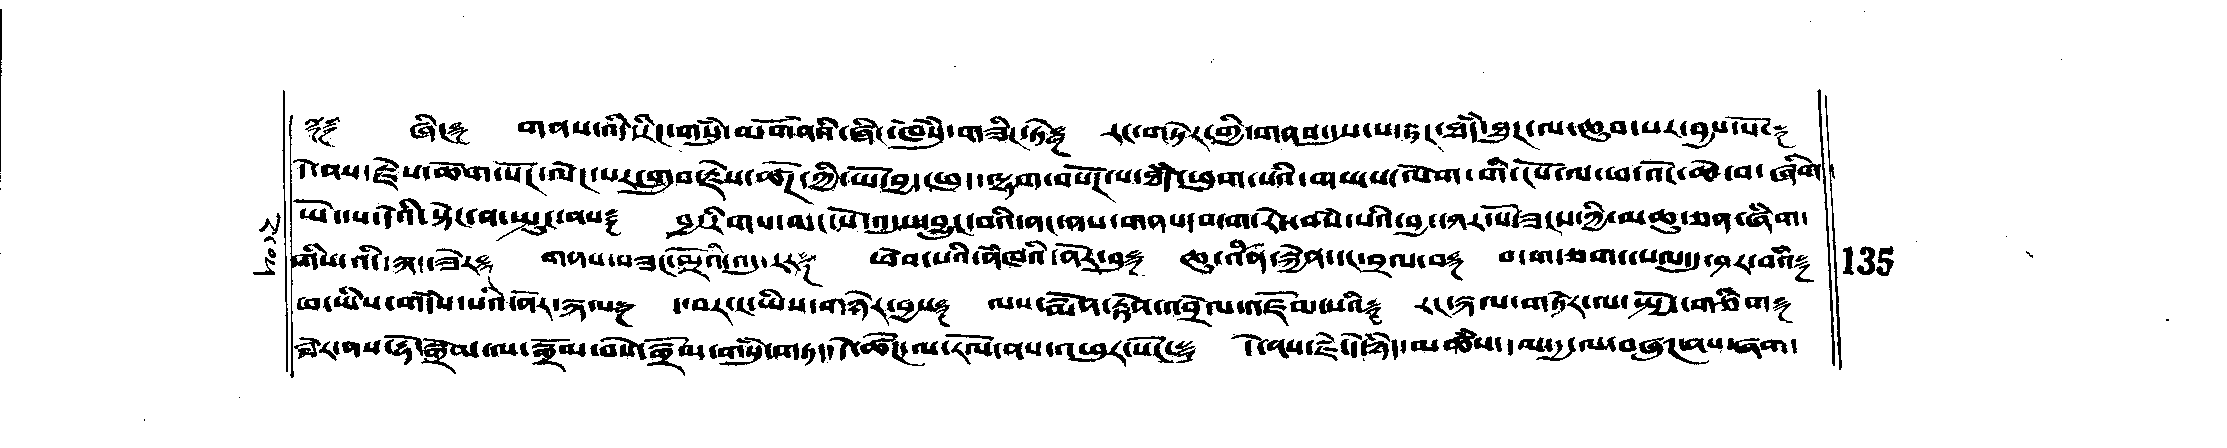ཞིང་། གནས་འདི་རིགས་གསུམ་མགོན་པོའི་ཞིང་ཁམས་སུ་གཟིགས་ཏེ། རང་གཏེར་གྱི་གནས་དུས་ས་རྟགས་ཐམས་ཅད་ཐུགས་ལ་ཆུབ་པར་བྱས་སོ། 
དེ་ནས་རྗེས་ཆོག་སོགས་ལེགས་པར་གྲུབ་རྗེས་ཚོགས་ཀྱི་ཡོ་བྱད་ཕུད་ལྷག་བསགས་པ་ཐམས་ཅད་ཕུག་པའི་གཡས་ལོག་གི་ངོས་ལ་ཕ་བོང་ཆེ་བ་ཞིག་
ཡོད་པ་དེའི་སྟེང་ན་སྤུང་ནས། བྱ་རིགས་མང་པོ་འདུས་བྱུང་བའི་ནང་ནས་གནས་བདག་རེད་བསམ་པའི་བྱ་དཀར་པོ་ཟངས་ཀྱི་མཆུ་ཅན་ཞིག་
གིས་འདི་སྐད་ཟེར། གནས་བཟང་མཁའ་འགྲོའི་འདུ་རར། །ཕེབས་པའི་ནམ་མཁའི་ནོར་བུ། །ཆུ་འཛིན་རྐྱེན་དང་བྲལ་བ། །བདག་ཅག་དཔལ་དུ་ཤར་བའི། །
ཕ་ཡིས་གདམས་པའི་ནོར་སྐལ། །ད་བར་ང་ཡིས་གཉེར་བྱས། །ལས་སྨོན་རྟེན་འབྲེལ་འཛོམ་པའི། །རང་སྐལ་གཏེར་ལ་སྤྱོད་གཅིག །
ཟེར་ནས་རྡོ་སྒྲོམ་ལ་སྒྲོམ་བསེ་སྒྲོམ་གསུམ་གཏད་དེ་ཚོགས་ལ་རོལ་ནས་འཕུར་སོང་། དེ་ནས་རྗེ་དེ་ཉིད་མཚམས་དམ་རྒྱ་ལ་བཞུགས་ནས་ཞག་